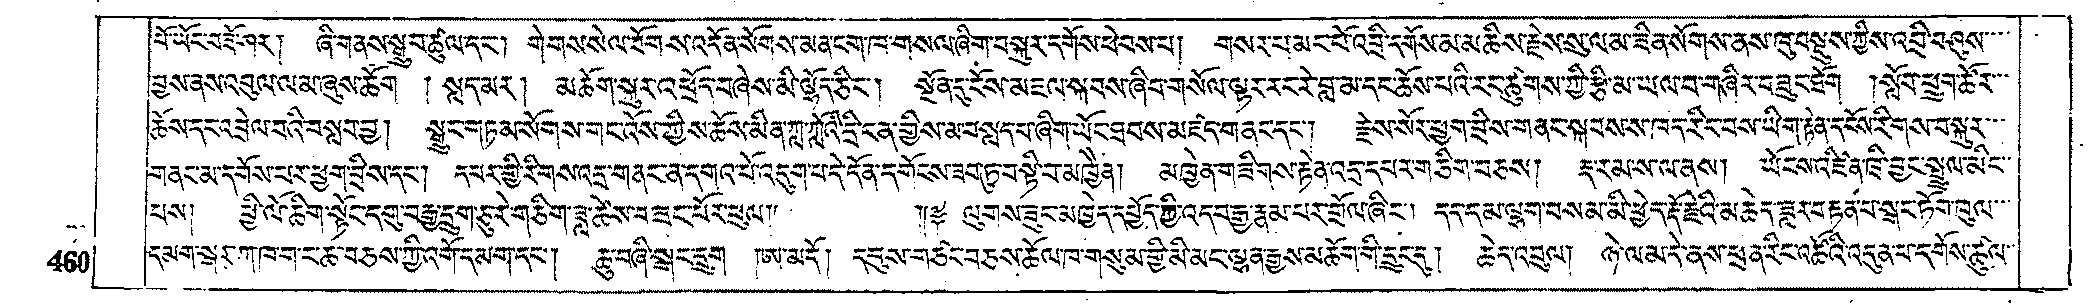པོ་ཡོང་བཟོ་ཤར། ཞི་གནས་སྒྲུབ་ཚུལ་དང་། གེགས་སེལ་བོགས་འདོན་སོགས་མན་ངག་ཁ་གསལ་ཞིག་བསྐུར་དགོས་ཕེབས་པ། གསར་པ་མང་པོ་འབྲི་དགོས་མ་མཆིས་རྗེས་སུ་ལམ་ཟིན་སོགས་ནས་ཁུ་བསྡུས་ཀྱིས་འབྲི་བཤུས་་་
བྱས་ནས་འབུལ་ལམ་ཞུས་ཆོག །སླད་མར། མཆོག་སྐུར་འཕྲོད་བཞེས་མི་ལྷོད་ཅིང་། སྔོན་དུ་ངོས་མཇལ་སྐབས་ཞིབ་གསོལ་ལྟར་རང་རེ་བླ་མ་དང་ཆོས་པའི་རང་ཚུགས་ཀྱི་རྩི་མ་ཡལ་བ་གཞིར་བཟུང་ཐོག །སློབ་ཕྲུག་ཚོར་་་
ཆོས་དང་འབྲེལ་བའི་བསླབ་བྱ། སྒྲུང་གཏམ་སོགས་གང་འོས་ཀྱིས་ཆོས་མིན་ཀླ་ཀློའི་དྲི་ངན་གྱིས་མ་བསླད་པ་ཞིག་ཡོང་ཐབས་མཛད་གནང་དང་། རྗེས་སོར་ཕྱག་བྲིས་གནང་སྐབས་ས་ཁད་རིང་བས་ཡིག་རྟེན་དངོས་རིགས་བསྐུར་་་
གནང་མ་དགོས་པར་ཕྱག་བྲིས་དང་། དཔར་གྱི་རིགས་འདྲ་གནང་ན་དགའ་པོ་འདུག་པ་དེ་དོན་དགོངས་ཟབ་ཏུ་བསྟི་བ་མཁྱཻན། མཁྱེན་གཟིགས་རྟེན་འདྲ་དཔར་གཅིག་བཅས། རྡ་རམ་ས་ལ་ནས། ཡོངས་འཛིན་ཁྲི་བྱང་སྤྲུལ་མིང་་་
པས། ཕྱི་ལོ་ཆིག་སྟོང་དགུ་བརྒྱ་དྲུག་ཅུ་རེ་གཅིག་ཟླ་ཚེས་བཟང་པོར་ཕུལ།། །། འ་ལུགས་ཟུང་མཁྱེད་དཔྱོད་ཀྱི་འདབ་རྒྱ་རྣམ་པར་གྲོལ་ཞིང་། དད་དམ་ལྷག་བསམ་མི་ཕྱེད་རྡོ་རྗེའི་མཆེད་ཟླར་བརྟན་པ་སྒང་ཏོག་ཁུལ་་་
དམག་སྒར་ཀ་ཁ་ག་ང་ཆ་བཅས་ཀྱི་འགོ་དམག་དང་། ཆུ་བཞི་སྒང་དྲུག །ཨ་མདོ། དབུས་གཙང་བཅས་ཆོལ་ཁ་གསུམ་གྱི་མི་མང་ལྷན་རྒྱས་མཆོག་གི་དྲུང་དུ། ཆེད་འབུལ། ཉེ་ལམ་དེ་ནས་ཕྲན་རིང་འཚོའི་འདུན་པ་དགོས་ཚུལ་་་